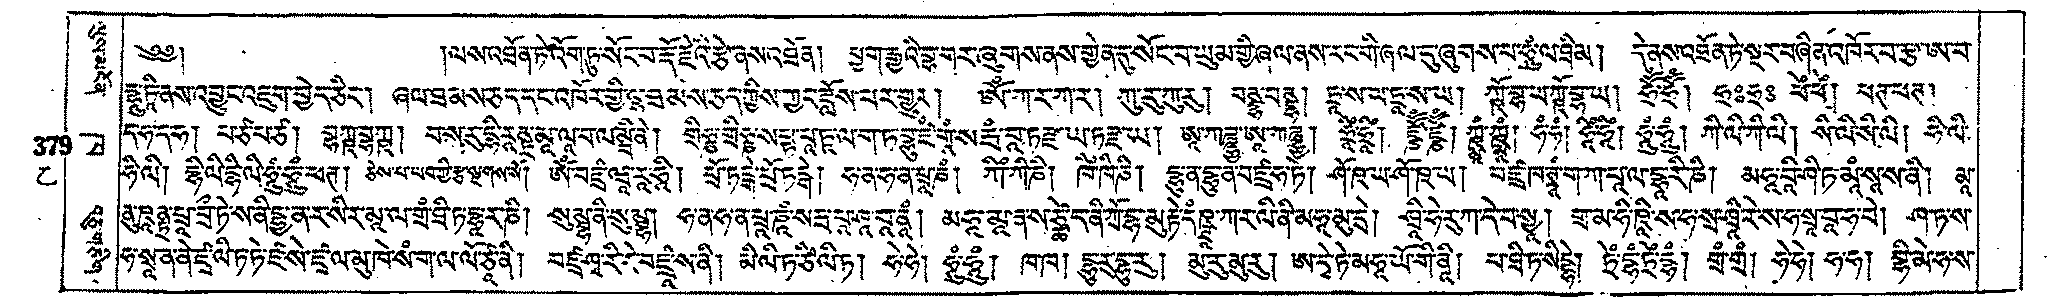༄༅། །ལས་འཐོན་ཏེ་འོག་ཏུ་སོང་བ་རྡོ་རྗེའི་རྩེ་ནས་འཐོན། ཕྱག་རྒྱའི་བྷ་གར་ཞུགས་ནས་གྱེན་དུ་སོང་བ་ཡུམ་གྱི་ཞལ་ནས་རང་གི་ཞལ་དུ་ཞུགས་པ་ཧཱུཾ་ལ་ཐིམ། དེ་ནས་འཐོན་ཏེ་སྔར་བཞིན་འཁོར་བ་རྩ་ཨ་བ་
དྷཱུ་ཏའི་ནས་འབྱུང་འཇུག་བྱེད་ཅིང་། ཞལ་ཐམས་ཅད་དང་འཁོར་གྱི་ལྷ་ཐམས་ཅད་ཀྱིས་ཀྱང་ཟློས་པར་གྱུར། ཨོཾ་ཀ་ར་ཀ་ར། ཀུ་རུ་ཀུ་རུ། བནྡྷ་བནྡྷ། དྲཱ་ས་ཡ་ཏྲཱ་ས་ཡ། ཀྵོ་བྷ་ཡ་ཀྵོ་བྷ་ཡ། ཧྲཽཾ་ཧྲཽཾ། ཧྲཿཧྲཿ ཕེཾ་ཕེཾ། ཕཊ་ཕཊ།
ད་ཧ་ད་ཧ། པ་ཙ་པ་ཙ། བྷཀྵ་བྷཀྵ། བ་ས་རུ་དྷི་རཱནྟྲ་མཱ་ལཱི་བ་ལ་མྦི་ནེ། གྲིཧྞ་གྲིཧྞ་སཔྟ་པཱ་ཏཱ་ལ་ག་ཏ་བྷུ་ཛ་གཱཾ་སརྦཾ་ཏརྫ་ཡ་ཏརྫ་ཡ། ཨཱ་ཀཌྜྷྱ་ཨཱ་ཀཌྜྷྱ། ཧྲཱིཾ་ཧྲཱིཾ། ཛྞཽཾ་ཛྞཽཾ། ཀྵྨཱཾ་ཀྵྨཱཾ། ཧཾ་ཧཾ། ཧཱིཾ་ཧཱིཾ། ཧཱུཾ་ཧཱུཾ། ཀི་ལི་ལི་ལི། སི་ལི་སི་ལི། ཧི་ལི་
ཧི་ལི། དྷི་ལི་དྷི་ལི་ཧཱུཾ་ཧཱུཾ་ཕཊ། ཅེས་པ་ཡབ་ཀྱི་རྩ་སྔགས་སོ།  ཨོཾ་བཛྲ་ཝཱ་རཱ་ཧཱི། པྲོ་ཏངྒེ་པྲོ་ཏངྒེ། ཧ་ན་ཧ་ན་པྲཱ་ཎཾ། ཁིཾ་ཁི་ཎི། དྷུ་ན་དྷུ་ན་བཛྲ་ཧ་ཏེ། ཤོ་ཥ་ཡ་ཤོ་ཥ་ཡ། བཛྲ་ཁ་ཊྭཱཾ་ག་ཀ་པཱ་ལ་དྷཱ་རི་ཎི། མྷཱ་བཱིཤི་ཏ་མཱཾ་སཱ་ས་ནི། མཱ་
ནུ་ཥྲཱ་ནྟྲ་པྲཱ་བྲྀ་ཏེ་ས་ནི་དྷྱ་ན་ར་སི་ར་མཱ་ལ་གྲཾ་ཐི་ཏ་དྷཱ་ར་ཎི། སུམྦྷ་ནི་སུམྦྷ། ཧ་ན་ཧ་ན་པྲའ་ཎཱཾ་སརྦ་པཱ་ཤཱ་བཱ་ནཱཾ། མྷའ་མཱ་ན་ས་ཙྪེ་ད་ནི་ཀྲོ་དྷ་མུརྟེ་དཾཥྚྲཱ་ཀ་ར་ལི་ནི་མྷཱ་མུ་དྲེ། ཤྲཱི་ཧེ་རུ་ཀ་དེ་བ་སྱཱ། གྲ་མ་ཧི་ཥྲཱི་རེ་ས་ཧ་སྲ་ཤྲཱི་རེ་ས་ཧ་སྲཱ་བཱ་ཧ་བེ། ཤ་ཏ་ས་
ཧ་སྲཱ་ན་ནེ་ཛྭ་ལི་ཏ་ཏེ་ཛ་སེ་ཛྭ་ལ་མུ་ཁེ་སཾ་ག་ལ་ལོ་ཙྭ་ནི། བཛྲ་ཤྭ་རི་རེ་བདྲཱ་ས་ནི། མི་ལི་ཏ་ཙི་ལི་ཏ། ཧེ་ཧེ། ཧཱུཾ་ཧཱུཾ། ཁ་ཁ། དྷུ་རུ་དྷུ་རུ། མུ་རུ་མུ་རུ། ཨ་དྭེ་ཏེ་མྷཱ་ཡོ་གི་ནཱི། པ་ཐི་ཏ་སིདྡྷེ། ཏྲེཾ་དྷཾ་ཏྲེཾ་དྷཾ། གྲཾ་གྲཾ། ཧེ་ཧེ། ཧ་ཧ། བྷི་མེ་ཧ་ས་